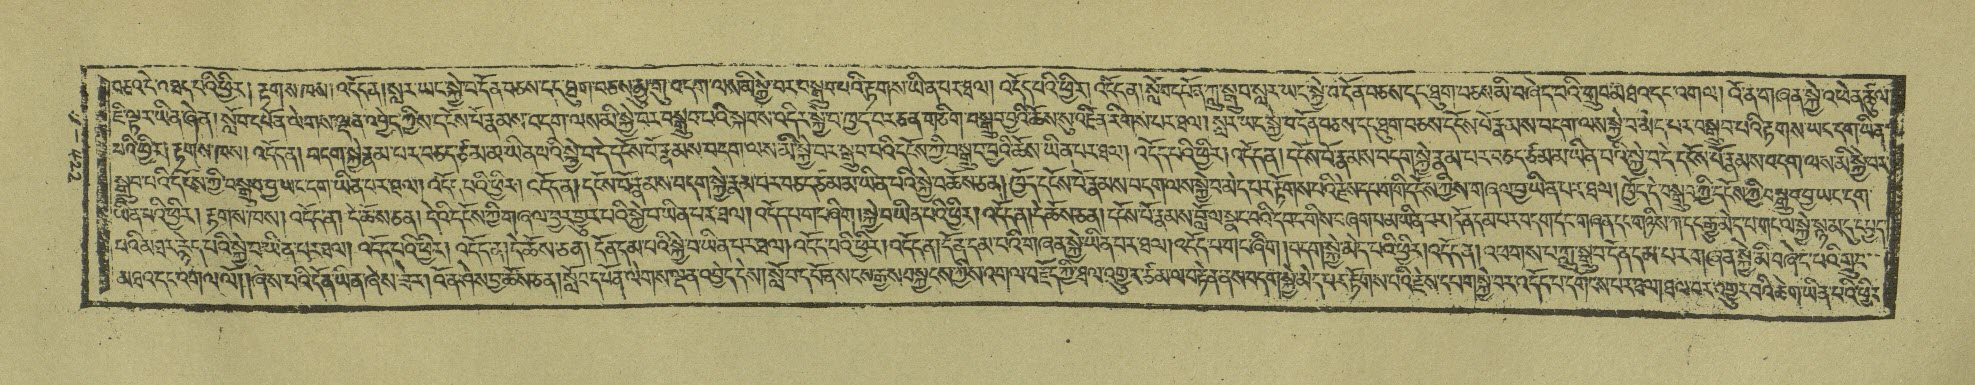བཅའ་དེ་འཐད་པའི་ཕྱིར། རྟགས་ཁས། འདོད་ན། སླར་ཡང་སྐྱེ་བ་དོན་བཅས་དང་ཐུགས་བཅས་མྱུ་གུ་བདག་ལས་མི་སྐྱེ་བར་བསྒྲུབ་པའི་རྟགས་ཡིན་པར་ཐལ། འདོད་པའི་ཕྱིར། འདོད་ན། སློབ་དཔོན་ཀླུ་སྒྲུབ་སླར་ཡང་སྐྱེ་བ་དོན་བཅས་དང་ཐུག་བཅས་མི་བཞེད་པའི་གྲུབ་མཐའ་དང་འགལ། འོ་ན་གཞན་སྐྱེ་འཕེན་ཚུལ་
ཇི་ལྟར་ཡིན་ཞེ་ན། སློབ་དཔོན་ལེགས་ལྡན་འབྱེད་ཀྱིས་དངོས་པོ་རྣམས་བདག་ལས་མི་སྐྱེ་བར་བསྒྲུབ་པའི་སྐབས་འདིར་སྐྱེ་བ་ཁྱད་པར་ཅན་གཅིག་བསྒྲུབ་བྱའི་ཆོས་སུ་འཛིན་རིགས་པར་ཐལ། སླར་ཡང་སྐྱེ་བ་དོན་བཅས་དང་ཐུག་བཅས་དངོས་པོ་རྣམས་བདག་ལས་སྐྱེ་བ་མེད་པར་བསྒྲུབ་པའི་རྟགས་ཡང་དག་ཡིན་
པའི་ཕྱིར། རྟགས་ཁས། འདོད་ན། བདག་སྐྱེ་རྣམ་པར་བཅད་ཙམ་མ་ཡིན་པའི་སྐྱེ་བ་དེ་དངོས་པོ་རྣམས་བདག་ལས་མི་སྐྱེ་བར་སྒྲུབ་པའི་དངོས་ཀྱི་བསྒྲུབ་བྱའི་ཆོས་ཡིན་པར་ཐལ། འདོད་པའི་ཕྱིར། འདོད་ན། དངོས་པོ་རྣམས་བདག་སྐྱེ་རྣམ་པར་བཅད་ཙམ་མ་ཡིན་པའི་སྐྱེ་བ་དེ་དངོས་པོ་རྣམས་བདག་ལས་མི་སྐྱེ་བར་
སྒྲུབ་པའི་དངོས་ཀྱི་བསྒྲུབ་བྱ་ཡང་དག་ཡིན་པར་ཐལ། འདོད་སྐབས་འདིའི་ཡང་སྒྲའི་དོན་མ་ཙམ་མ་ཡིན་པའི་སྐྱེ་བ་ཆོ་ལས་སྐྱེ་བ་མེད་པར་རྟོགས་པའི་རྗེས་དཔག་གི་དངོས་ཀྱིས་གཞལ་ཙམ་མ་ཡིན་པའི་སྐྱེ་བ་ཆོས་ཅན། ཁྱོད་དངོས་པོ་རྣམས་བདག་ལས་སྐྱེ་བ་མེད་པར་རྟོགས་པའི་རྗེས་དཔག་གི་དངོས་ཀྱིས་གཞལ་བྱ་ཡིན་པར་ཐལ། ཁྱོད་དེ་བསྒྲུབ་ཀྱི་དངོས་ཀྱི་བསྒྲུབ་བྱ་ཡང་དག་
ཡིན་པའི་ཕྱིར། རྟགས་ཁས། འདོད་ན། དེ་ཆོས་ཅན། དེའི་དངོས་ཀྱི་གཞལ་བྱར་གྱུར་པའི་སྐྱེ་བ་ཡིན་པར་ཐལ། འདོད་པ་གང་ཞིག །སྐྱེ་བ་ཡིན་པའི་ཕྱིར། འདོད་ན། དེ་ཆོས་ཅན། དངོས་པོ་རྣམས་བློ་ལ་སྣང་བའི་དབང་གིས་བཞག་པ་མ་ཡིན་པར། དོན་དམ་པར་བདག་དང་གཞན་དང་གཉིས་ཀ་དང་རྒྱུ་མེད་པ་གང་ལ་སྐྱེ་སྙམ་དུ་དཔྱད་
པའི་མཐར་རྙེད་པའི་སྐྱེ་བ་ཡིན་པར་ཐལ། འདོད་པའི་ཕྱིར། འདོད་ན། དེ་ཆོས་ཅན། དོན་དམ་པའི་སྐྱེ་བ་ཡིན་པར་ཐལ། འདོད་པའི་ཕྱིར། འདོད་ན། དོན་དམ་པའི་གཞན་སྐྱེ་ཡིན་པར་ཐལ། འདོད་པ་གང་ཞིག །བདག་སྐྱེ་མེད་པའི་ཕྱིར། འདོད་ན། འཕགས་པ་ཀླུ་སྒྲུབ་དོན་དམ་པར་གཞན་སྐྱེ་མི་བཞེད་པའི་གྲུབ་
མཐའ་དང་འགལ་ལོ། །ཞེས་པའི་དོན་ཡིན་ཞེས་ཟེར། འོ་ན་ཤེས་བྱ་ཆོས་ཅན། སློབ་དཔོན་ལེགས་ལྡན་འབྱེད་དེས། སློབ་དཔོན་སངས་རྒྱས་བསྐྱངས་ཀྱིས་འགལ་བརྗོད་ཀྱི་ཐལ་འགྱུར་ཙམ་ལ་བརྟེན་ནས་བདག་སྐྱེ་མེད་པར་རྟོགས་པའི་རྗེས་དཔག་སྐྱེ་བར་འདོད་པ་དགོངས་པར་ཐལ། ཐལ་བར་འགྱུར་བའི་ཚིག་ཡིན་པའི་ཕྱིར་